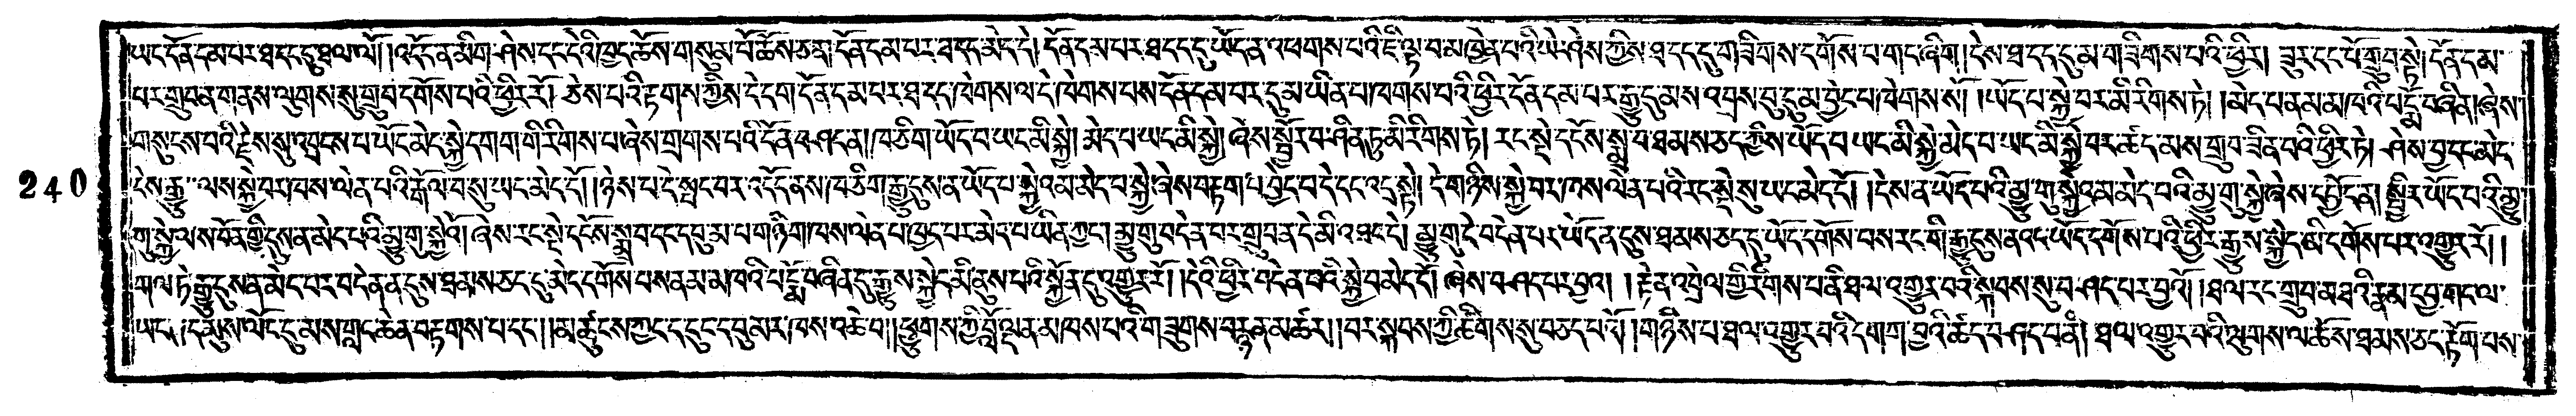ཡང་དོན་དམ་པར་ཐ་དང་དུ་ཐལ་ལོ། །འདོད་ན་མིག་ཤེས་དང་དེའི་ཁྱད་ཆོས་གསུམ་པོ་ཆོས་ཅན། དོན་དམ་པར་ཐ་དད་མེད་དེ། དོན་དམ་པར་ཐ་དད་དུ་ཡོད་ན་འཕགས་པའི་ཇི་ལྟ་བ་མཁྱེན་པའི་ཡེ་ཤེས་ཀྱིས་ཐ་དད་དུ་གཟིགས་དགོས་པ་གང་ཞིག། དེས་ཐ་དད་དུ་མ་གཟིགས་པའི་ཕྱིར། ཟུར་དང་པོ་གྲུབ་སྟེ། དོན་དམ་
པར་གྲུབ་ན་གནས་ལུགས་སུ་གྲུབ་དགོས་པའི་ཕྱིར་རོ། ཅེས་པའི་རྟགས་ཀྱིས་དེ་དག་དོན་དམ་པར་ཐ་དད་ཁེགས་ལ་དེ་ཁེགས་པས་དོན་དམ་པར་དུ་མ་ཡིན་པ་ཁགས་པའི་ཕྱིར་དོན་དམ་པར་རྒྱུ་དུ་མས་འབྲས་བུ་དུ་མ་བྱེད་པ་ཁེགས་སོ། །ཡོད་པ་སྐྱེ་བར་མི་རིགས་ཏེ། །མེད་པ་ནམ་མཁའི་པདམོ་བཞིན། ཞེས་
གསུངས་པའི་རྗེས་སུ་འབྲངས་པ་ཡོད་མེད་སྐྱེ་དགག་གི་རིགས་པ་ཞེས་གྲགས་པའི་དོན་བཤད་ན། ཁ་ཅིག་ཡོད་བ་ཡང་མི་སྐྱེ། མེད་པ་ཡང་མི་སྐྱེ། ཞེས་སྦྱོར་བ་ཤིན་ཏུ་མི་རིགས་ཏེ། རང་སྡེ་དངོས་སྨྲ་བ་ཐམས་ཅད་ཀྱིས་ཡོད་པ་ཡང་མི་སྐྱེ་མེད་པ་ཡང་མི་སྐྱེ་བར་ཚད་མས་གྲུབ་ཟིན་པའི་ཕྱིར་ཏེ། ཤེས་བྱ་དང་མེད་
ངེས་རྒྱུ་ལས་སྐྱེ་བར་ཁས་ལེན་པའི་རྒོལ་བ་སུ་ཡང་མེད་དོ། །ཉེས་པ་དེ་སྤང་བར་འདོད་ནས་ཁ་ཅིག་རྒྱུ་དུས་ན་ཡོད་པ་སྐྱེའམ་མེད་བ་སྐྱེ་ཞེས་བརྟག་པ་བྱེད་པ་དེ་དང་འདྲ་སྟེ། དེ་གཉིས་སྐྱེ་བར་ཁས་ལེན་པའི་རང་སྡེ་སུ་ཡང་མེད་དོ། །ངེས་ན་ཡོད་པའི་མྱུ་གུ་སྐྱེའམ་མེད་བའི་མྱུ་གུ་སྐྱེ་ཞེས་དཔྱོད་ན། སྤྱིར་ཡོད་པའི་མྱུ་
གུ་སྐྱེ་ལ་ས་བོན་གྱི་དུས་ན་མེད་པའི་མྱུ་གུ་སྐྱེའོ། ཞེས་རང་སྡེ་དངོས་སྨྲ་བ་དང་དབུ་མ་པ་གཉི་ག་ཁས་ལེན་པ་ཁྱད་པར་མེད་པ་ཡིན་ཀྱང་། མྱུ་གུ་བདེན་པར་གྲུབ་ན་དེ་མི་འཐད་དེ། མྱུ་གུ་དེ་བདེན་པར་ཡོད་ན་དུས་ཐམས་ཅད་དུ་ཡོད་དགོས་པས་རང་གི་རྒྱུ་དུས་ནའང་ཡོད་དགོས་པའི་ཕྱིར་རྒྱུས་སྐྱེད་མི་དགོས་པར་འགྱུར་རོ། །
གལ་ཏེ་རྒྱུ་དུས་ན་མེད་པར་བདེན་ན་དུས་ཐམས་ཅད་དུ་མེད་དགོས་པས་ནམ་མཁའི་པདམོ་བཞིན་དུ་རྒྱུས་སྐྱེད་མི་ནུས་པའི་སྐྱོན་དུ་འགྱུར་རོ། །དེའི་ཕྱིར་བདེན་པའི་སྐྱེ་བ་མེད་དོ། ཞེས་བཤད་པར་བྱའོ། །རྟེན་འབྲེལ་གྱི་རིགས་པ་ནི་ཐལ་འགྱུར་བའི་སྐབས་སུ་བཤད་པར་བྱའོ། །ཐལ་རང་གྲུབ་མཐའི་རྣམ་དབྱ་གང་ལ་
ཡང༑ ༑དམུས་ལོང་དུ་མས་གླང་ཆེན་བརྟགས་པ་དང་། །མཚུངས་ཀྱང་ད་དུང་དབུ་མར་ཁས་འཆེ་བ། །ཕྱུགས་ཀྱི་བློ་ལྡན་མཁས་པའི་གཟུགས་བརྙན་མཚར། །བར་སྐབས་ཀྱི་ཚིགས་སུ་བཅད་པའོ། །གཉིས་པ་ཐལ་འགྱུར་བའི་དགག་བྱའི་ཚད་བཤད་བ་ནི། ཐལ་འགྱུར་བའི་ལུགས་ལ་ཆོས་ཐམས་ཅད་རྟོག་པས་